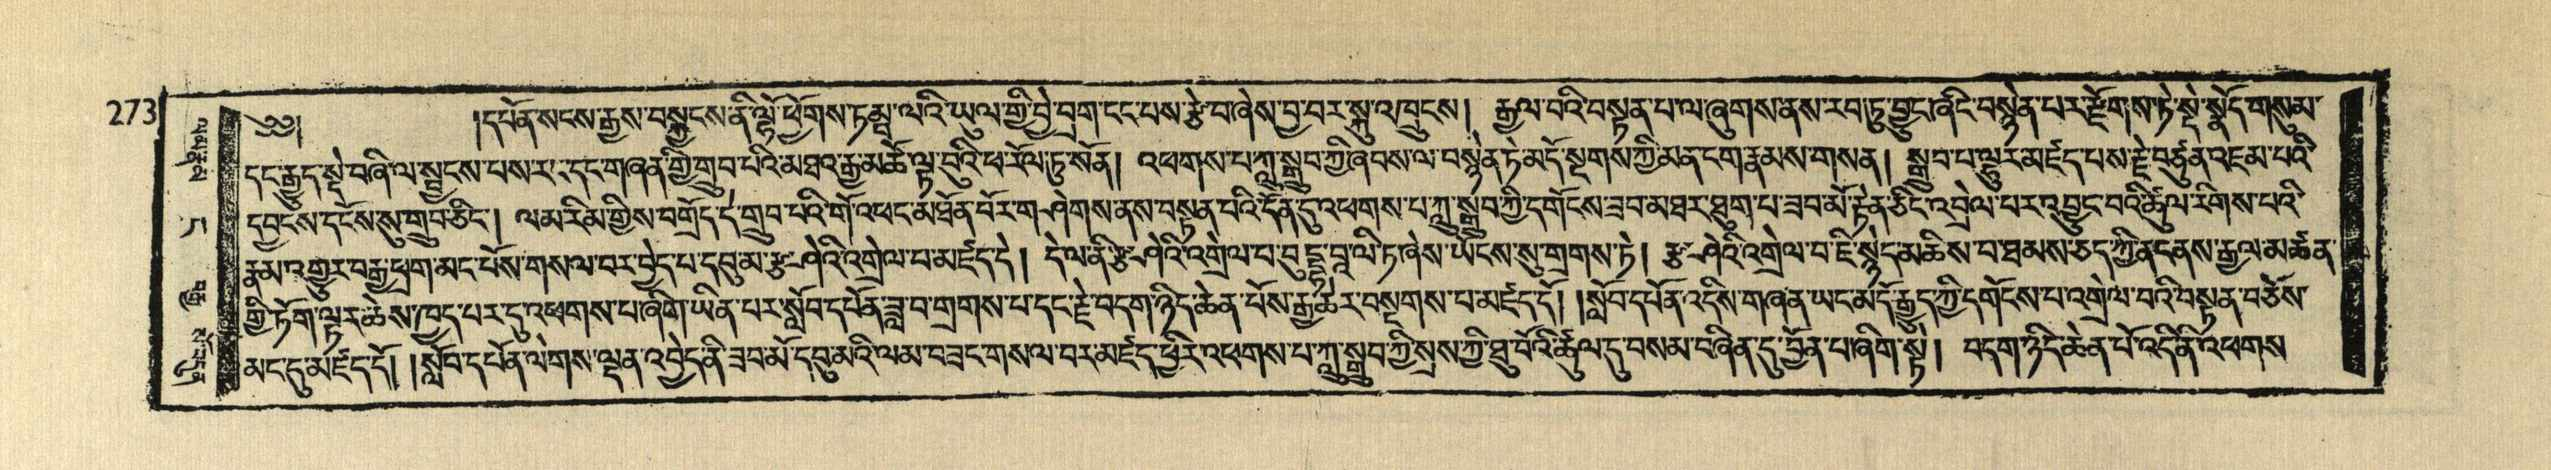༄༅། །དཔོན་སངས་རྒྱས་བསྐྱངས་ནི་ལྷོ་ཕྱོགས་ཏམྦ་ལའི་ཡུལ་གྱི་བྱེ་བྲག་ངང་པས་རྩེ་བ་ཞེས་བྱ་བར་སྐུ་འཁྲུངས། རྒྱལ་བའི་བསྟན་པ་ལ་ཞུགས་ནས་རབ་ཏུ་བྱུང་ཞིང་བསྙེན་པར་རྫོགས་ཏེ་སྡེ་སྣོད་གསུམ་
དང་རྒྱུད་སྡེ་བཞི་ལ་སྦྱངས་པས་རང་དང་གཞན་གྱི་གྲུབ་པའི་མཐའ་རྒྱ་མཚོ་ལྟ་བུའི་ཕ་རོལ་ཏུ་སོན། འཕགས་པ་ཀླུ་སྒྲུབ་ཀྱི་ཞབས་ལ་བསྙེན་ཏེ་མདོ་སྔགས་ཀྱི་མན་ངག་རྣམས་གསན། སྒྲུབ་པ་ལྷུར་མཛད་པས་རྗེ་བཙུན་འཇམ་པའི་
དབྱངས་དངོས་སུ་གྲུབ་ཅིང་། ལམ་རིམ་གྱིས་བགྲོད་དེ་གྲུབ་པའི་གོ་འཕང་མཐོན་པོར་གཤེགས་ནས་བསྟན་པའི་དོན་དུ་འཕགས་པ་ཀླུ་སྒྲུབ་ཀྱི་དགོངས་ཟབ་མཐར་ཐུག་པ་ཟབ་མོ་རྟེན་ཅིང་འབྲེལ་པར་འབྱུང་བའི་ཚུལ་རིགས་པའི་
རྣམ་འགྱུར་བརྒྱ་ཕྲག་མང་པོས་གསལ་བར་བྱེད་པ་དབུ་མ་རྩ་ཤེའི་འགྲེལ་པ་མཛད་དེ། དེ་ལ་ནི་རྩ་ཤེའི་འགྲེལ་པ་བུདྡྷ་བཱ་ལི་ཏ་ཞེས་ཡོངས་སུ་གྲགས་ཏེ། རྩ་ཤེའི་འགྲེལ་བ་ཇི་སྙེད་མཆིས་བ་ཐམས་ཅད་ཀྱི་ནང་ནས་རྒྱལ་མཚན་
གྱི་ཏོག་ལྟར་ཆེས་ཁྱད་པར་དུ་འཕགས་པ་ཞིག་ཡིན་པར་སློབ་དཔོན་ཟླ་བ་གྲགས་པ་དང་རྗེ་བདག་ཉིད་ཆེན་པོས་རྒྱ་ཆེར་བསྔགས་པ་མཛད་དོ། །སློབ་དཔོན་འདིས་གཞན་ཡང་མདོ་རྒྱུད་ཀྱི་དགོངས་པ་འགྲེལ་བའི་བསྟན་བཅོས་
མང་དུ་མཛད་དོ། །སློབ་དཔོན་ལེགས་ལྡན་འབྱེད་ནི་ཟབ་མོ་དབུ་མའི་ལམ་བཟང་གསལ་བར་མཛད་ཕྱིར་འཕགས་པ་ཀླུ་སྒྲུབ་ཀྱི་སྲས་ཀྱི་ཐུ་བོའི་ཚུལ་དུ་བསམ་བཞིན་དུ་བྱོན་པ་ཞིག་སྟེ། བདག་ཉིད་ཆེན་པོ་འདི་ནི་འཕགས་